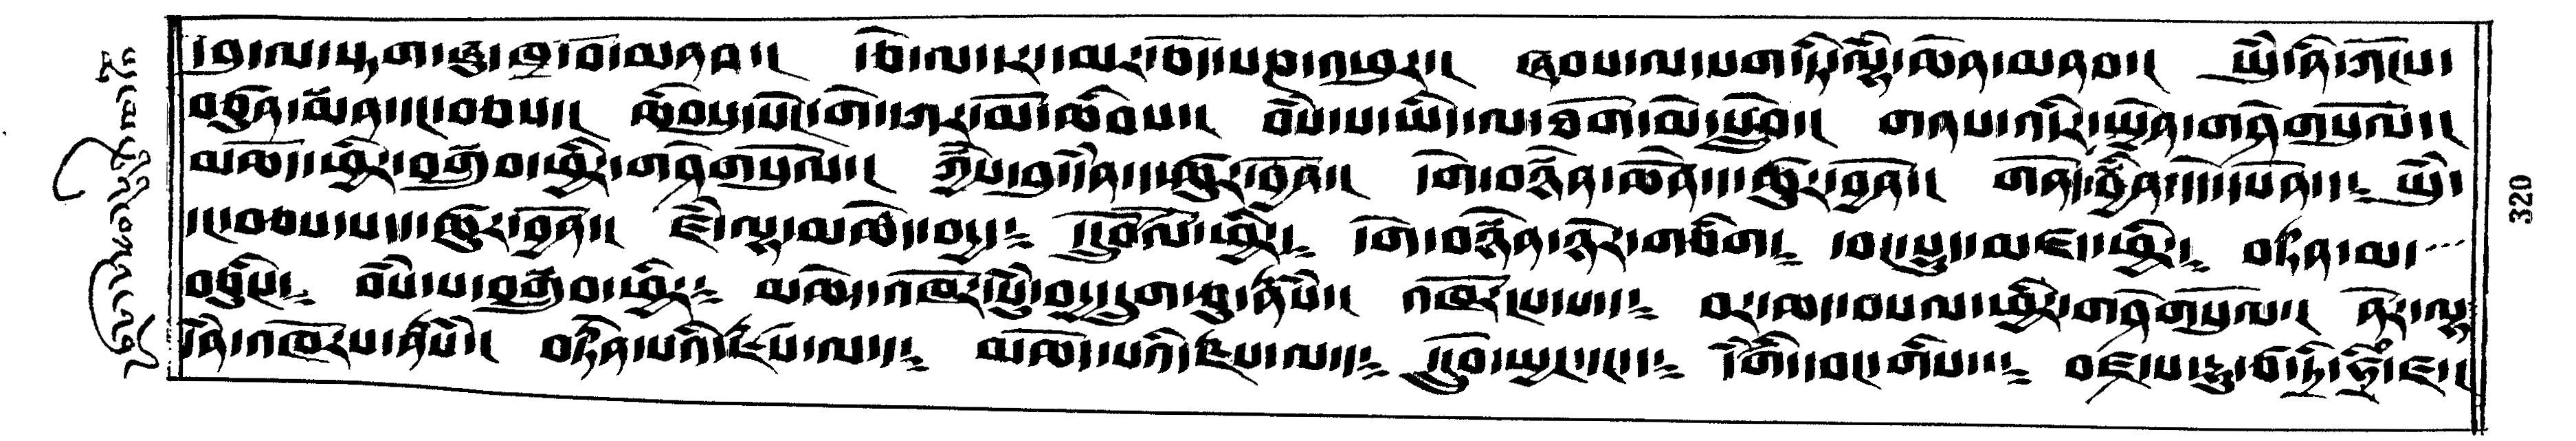དབུ་ལ་སྟག་ཞུ་ཁྲ་བོ་མནབས། །རྩེ་ལ་དར་དམར་ཅོད་པན་འཕུར། །ཞབས་ལ་སག་ཏི་ལྷམ་ཆེན་མནབས། །ཡུམ་ནི་ཀོང་
བཙུན་སྨན་དང་བཅས། །ཆིབས་སུ་སེང་གེ་དཀར་མོ་བཅིབས། །བསམ་པ་ཡིད་ལ་ཐོག་མེ་སླེབ། །གནས་འདིར་སྤྱན་འདྲེན་གཤེགས་སུ་གསོལ། །
མཆོད་ཕྱིར་བསྒྲུབ་ཕྱིར་གཤེགས་སུ་གསོལ། །སྐྱེས་བུ་དམ་ཅན་ད་ཚུར་བྱོན། །དགེ་བསྙེན་ཆེན་པོ་ད་ཚུར་བྱོན། །གནོད་སྦྱིན་དེད་དཔོན་ད༴ ཡུམ་
དང་བཅས་པ་ད་ཚུར་བྱོན། ཛམ་ལ་མཆེད་བརྒྱད༴ །དངོས་གྲུབ་སྩོལ་ཕྱིར༴ དགེ་བསྙེན་ཉེར་གཅིག༴ དབང་སྡུས་མཛད་ཕྱིར༴ བརྟན་མ་
བཅུ་གཉིས༴ བསམ་པ་བསྒྲུབ་ཕྱིར༴ མཆེད་འཁོར་སུམ་བརྒྱ་དྲུག་ཅུ་རྣམས། །འཁོར་དང་བཅས་པ་ད༴ །བར་ཆད་བསལ་ཕྱིར་གཤེགས་སུ་གསོལ་། །ནོར་ལྷ་
དམ་ཅན་འཁོར་བཅས་རྣམས། །བརྟེན་པའི་རྫས་ལ་ད༴ །མཆོད་པའི་རྫས་ལ་ད༴ །དངོས་གྲུབ་གཡང་དང༴ །དམ་ཚིག་དབང་གིས༴ །བཛྲ་ས་དྷུ་ཙ་ཏྲི་ཧྲཱིཾ་ཛ་